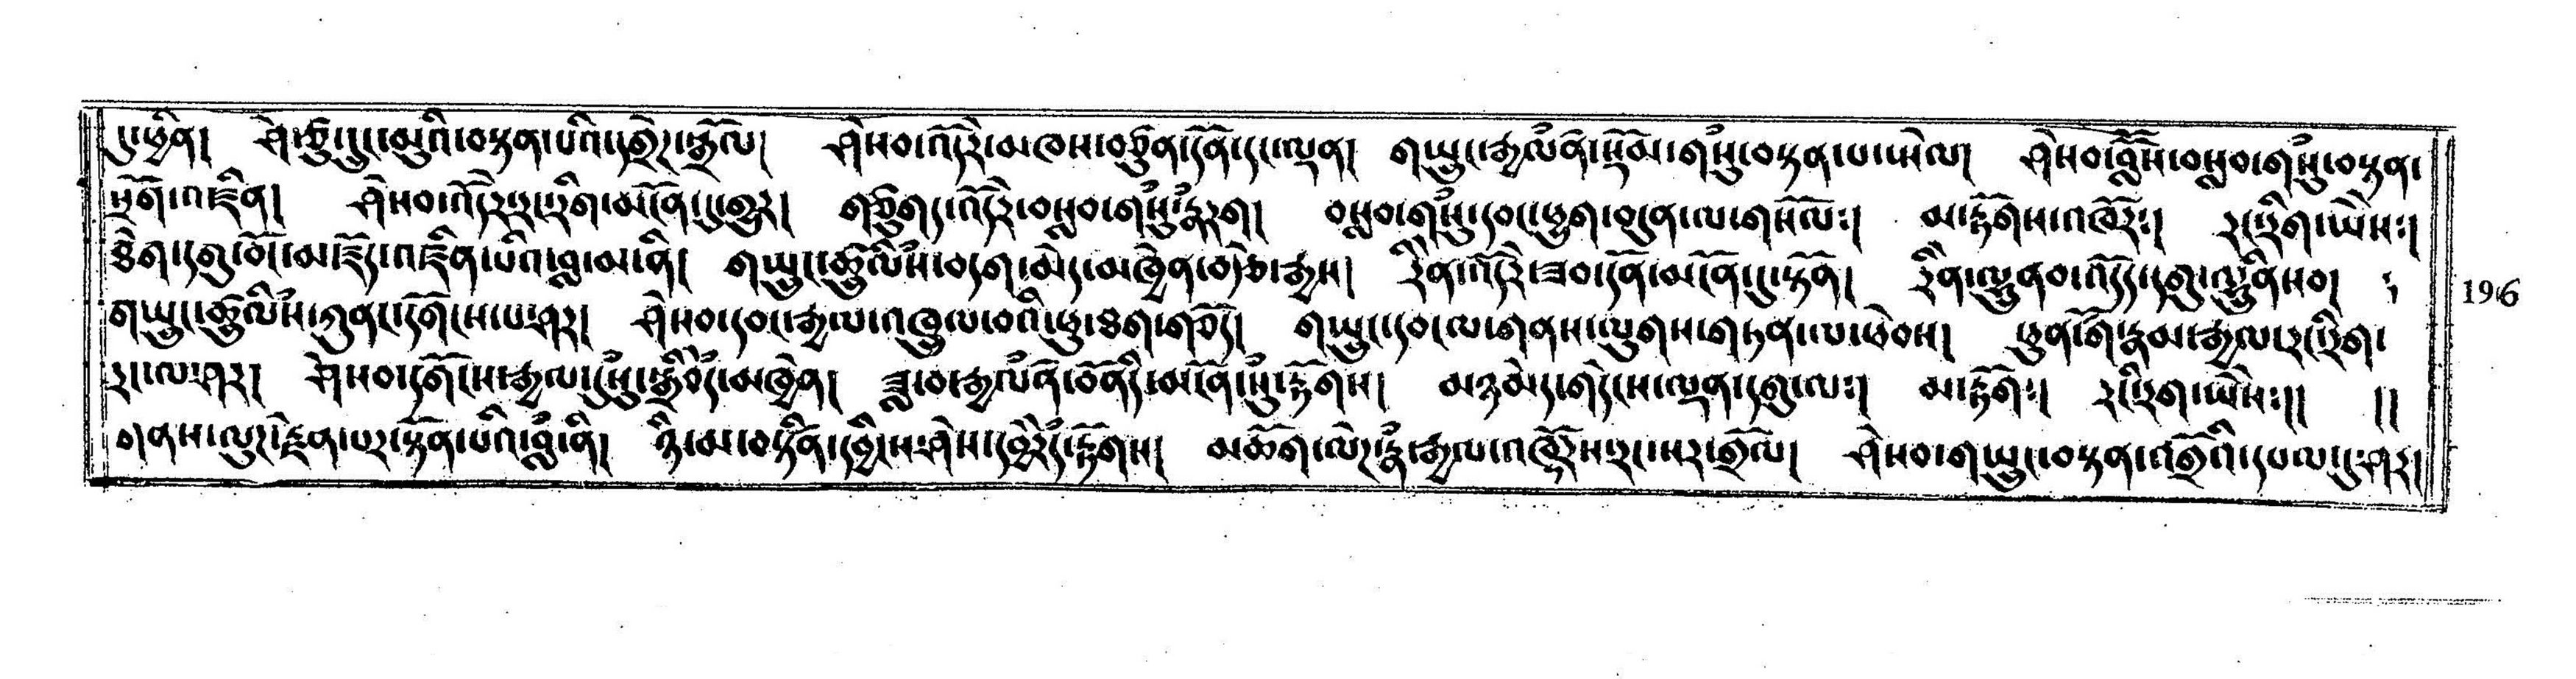དུ་ཕྱིན། ཤེ་ཙུ་དྲུང་མུ་བསྟན་པའི་དགྲ་བགེགས་སྒྲོལ། ཤེས་རབ་འོད་ཟེར་མཁས་བཙུན་དོན་དང་ལྡན། གཡུང་དྲུང་རྒྱལ་མཚན་སྡོམ་གསུམ་བསྟན་པ་སྤེལ། ཤེས་རབ་བློ་གྲོས་བསླབ་གསུམ་བསྟན་
སྲོག་འཛིན། ཤེས་རབ་འོད་ཟེར་རང་རིག་མངོན་དུ་གྱུར། གཙུག་ཕུད་འོད་ཟེར་བསླབ་གསུམ་རྣམ་པར་དག བསླབ་གསུམ་དབང་ཕྱུག་བདུན་ལ་གསོལ༴། མ་རྟོགས་འཁོར༴། རང་རིག་ཡེ་ཤེས༴། 
ཐེག་དགུ་བང་མཛོད་འཛིན་པའི་བླ་མ་ནི། གཡུང་དྲུང་ཚུལ་ཁྲིམས་བདག་མེད་མཁྱེན་བརྩེ་རྒྱས། རིན་ཆེན་འོད་ཟེར་ཟབ་དོན་མངོན་དུ་སྟོན། རིན་ཆེན་ལྷུན་གྲུབ་འདོད་དགུ་ལྷུན་གྱིས་གྲུབ། 
གཡུང་དྲུང་ཚུལ་ཁྲིམས་ཀུན་བཟང་དགོངས་པ་ཤར། ཤེས་རབ་དབང་རྒྱལ་འཁྲུལ་པའི་ཕུ་ཐག་གཅོད། གཡུང་དྲུང་དབང་རྒྱལ་གནས་ལུགས་གཏན་ལ་ཕེབས། ཕུན་ཚོགས་རྣམ་རྒྱལ་རང་རིག་
རང་ལ་ཤར། ཤེས་རབ་དགོངས་རྒྱལ་དུས་གསུམ་སྒྲིབ་མེད་མཁྱེན། ཟླ་བ་རྒྱལ་མཚན་བོན་ཉིད་མངོན་སུམ་རྟོགས། མཉམ་མེད་གདེངས་ལྡན་དགུ་ལ༴། མ་རྟོག༴། རང་རིག་ཡེ་ཤེས༴།། །།
གནས་ལུགས་རྗེན་པར་སྟོན་པའི་བླ་མ་ནི། ཉི་མ་བསྟན་འཛིན་དབྱིངས་ཤེས་དབྱེར་མེད་རྟོགས། མཆོག་ལེགས་རྣམ་རྒྱལ་འཁོར་འདས་རང་སར་གྲོལ། ཤེས་རབ་གཡུང་དྲུང་བསྟན་འགྲོའི་དཔལ་དུ་ཤར།